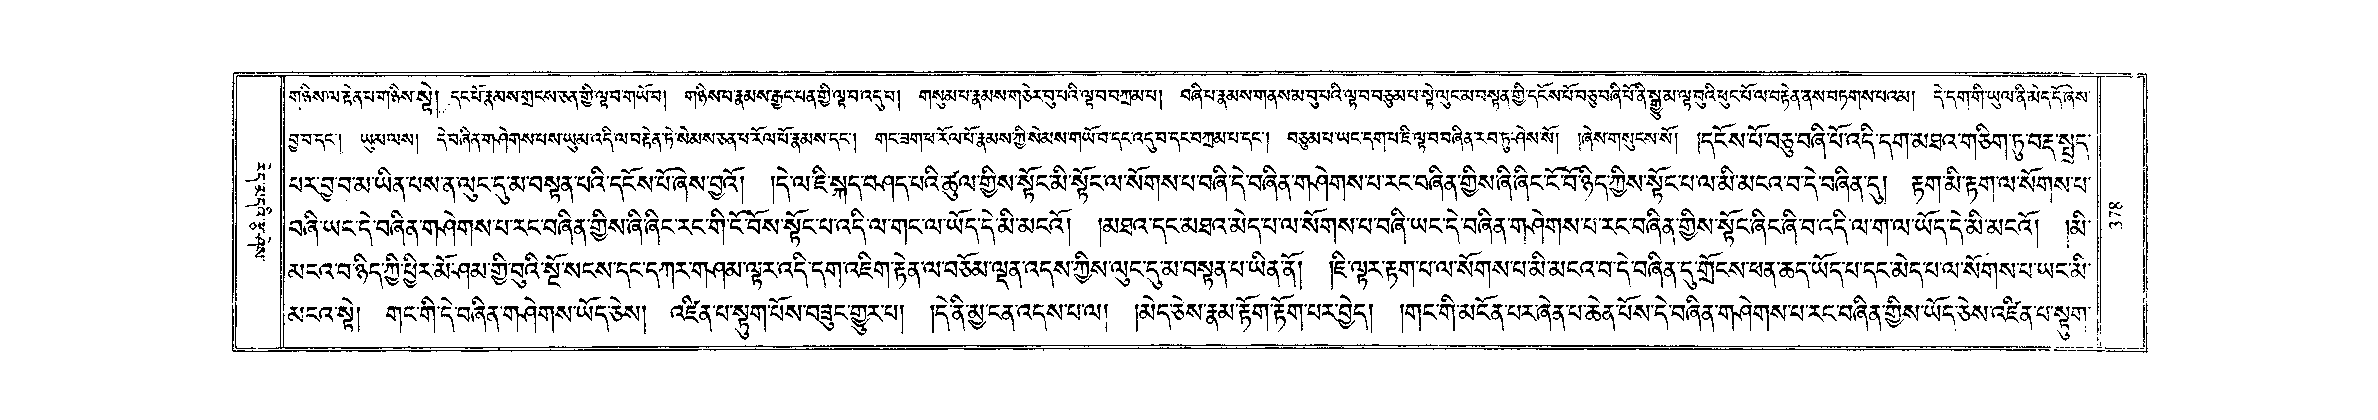གཉིས་ལ་རྟེན་པ་གཉིས་སྟེ། དང་པོ་རྣམས་གྲངས་ཅན་གྱི་ལྟ་བ་གཡོ་བ། གཉིས་པ་རྣམས་རྒྱང་ཕན་གྱི་ལྟ་བ་འདུ་བ། གསུམ་པ་རྣམས་གཅེར་བུ་པའི་ལྟ་བ་བཀྲམ་པ། བཞི་པ་རྣམས་གནས་མ་བུ་པའི་ལྟ་བ་བཅུམ་པ་སྟེ་ལུང་མ་བསྟན་གྱི་དངོས་པོ་བཅུ་བཞི་པོ་ནི་སྒྱུ་མ་ལྟ་བུའི་ཕུང་པོ་ལ་བརྟེན་ནས་བཏགས་པའམ། དེ་དག་གི་ཡུལ་ནི་མེད་དོ་ཞེས་
བྱ་བ་དང་། ཡུལ་ལས། དེ་བཞིན་གཤེགས་པས་ཡུམ་འདི་ལ་བརྟེན་ཏེ་སེམས་ཅན་ཕ་རོལ་པོ་རྣམས་དང་། གང་ཟག་ཕ་རོལ་པོ་རྣམས་ཀྱི་སེམས་གཡོ་བ་དང་འདུ་བ་དང་བཀྲམ་པ་དང་། བཅུམ་པ་ཡང་དག་པ་ཇི་ལྟ་བ་བཞིན་རབ་ཏུ་ཤེས་སོ། །ཞེས་གསུངས་སོ། །དངོས་པོ་བཅུ་བཞི་པོ་འདི་དག་མཐའ་གཅིག་ཏུ་བརྡ་སྤྲད་
པར་བྱ་བ་མ་ཡིན་པས་ན་ལུང་དུ་མ་བསྟན་པའི་དངོས་པོ་ཞེས་བྱའོ། །དེ་ལ་ཇི་སྐད་བཤད་པའི་ཚུལ་གྱིས་སྟོང་མི་སྟོང་ལ་སོགས་པ་བཞི་དེ་བཞིན་གཤེགས་པ་རང་བཞིན་གྱིས་ཞི་ཞིང་ངོ་བོ་ཉིད་ཀྱིས་སྟོང་པ་ལ་མི་མངའ་བ་དེ་བཞིན་དུ། རྟག་མི་རྟག་ལ་སོགས་པ་
བཞི་ཡང་དེ་བཞིན་གཤེགས་པ་རང་བཞིན་གྱིས་ཞི་ཞིང་རང་གི་ངོ་བོས་སྟོང་པ་འདི་ལ་གང་ལ་ཡོད་དེ་མི་མངའོ། །མཐའ་དང་མཐའ་མེད་པ་ལ་སོགས་པ་བཞི་ཡང་དེ་བཞིན་གཤེགས་པ་རང་བཞིན་གྱིས་སྟོང་ཞིང་ཞི་བ་འདི་ལ་ག་ལ་ཡོད་དེ་མི་མངའོ། །མི་
མངའ་བ་ཉིད་ཀྱི་ཕྱིར་མོ་ཤམ་གྱི་བུའི་སྔོ་སངས་དང་དཀར་གཤམ་ལྟར་འདི་དག་འཇིག་རྟེན་ལ་བཅོམ་ལྡན་འདས་ཀྱིས་ལུང་དུ་མ་བསྟན་པ་ཡིན་ནོ། །ཇི་ལྟར་རྟག་པ་ལ་སོགས་པ་མི་མངའ་བ་དེ་བཞིན་དུ་གྲོངས་ཕན་ཆད་ཡོད་པ་དང་མེད་པ་ལ་སོགས་པ་ཡང་མི་
མངའ་སྟེ། གང་གི་དེ་བཞིན་གཤེགས་ཡོད་ཅེས། འཛིན་པ་སྟུག་པོས་བཟུང་གྱུར་པ། །དེ་ནི་མྱ་ངན་འདས་པ་ལ། །མེད་ཅེས་རྣམ་རྟོག་རྟོག་པར་བྱེད། །གང་གི་མངོན་པར་ཞེན་པ་ཆེན་པོས་དེ་བཞིན་གཤེགས་པ་རང་བཞིན་གྱིས་ཡོད་ཅེས་འཛིན་པ་སྟུག་